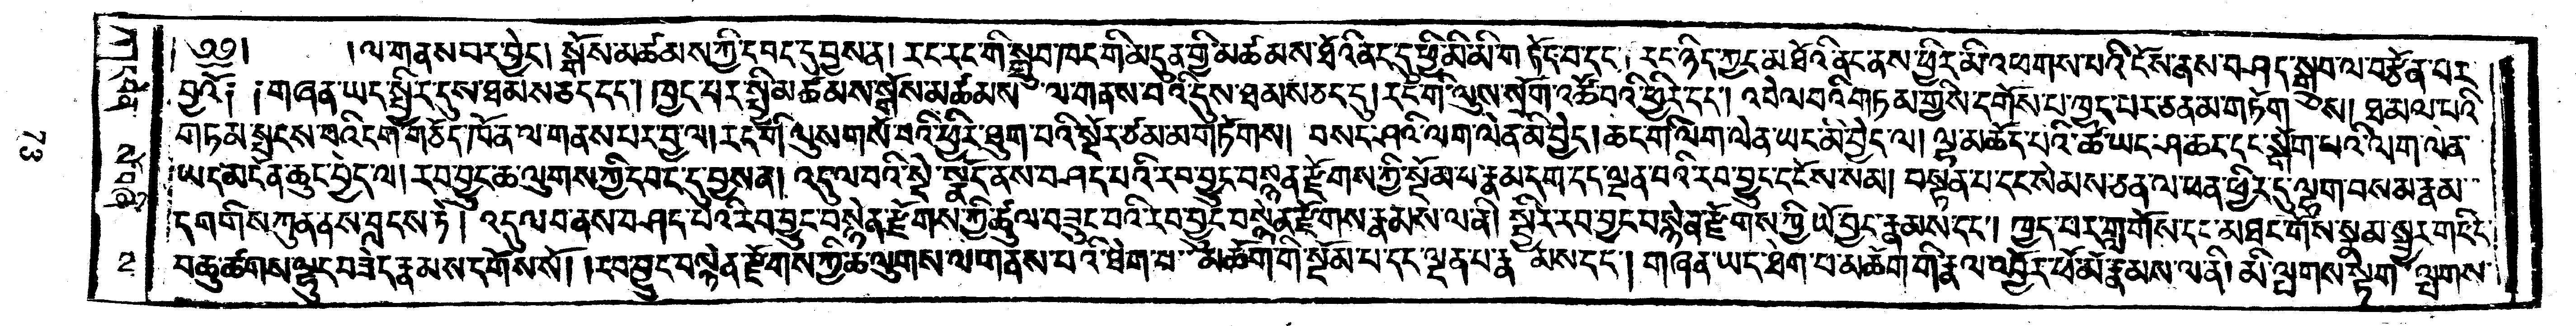༄༅། །ལ་གནས་བར་བྱེད། སྒོས་མཚམས་ཀྱི་དབང་དུ་བྱས་ན། རང་རང་གི་སྒྲུབ་ཁང་གི་མདུན་གྱི་མཚམས་ཐོའི་ནང་དུ་ཕྱི་མི་གཏོད་བ་དང་། རང་ཉིད་ཀྱང་མཐོའི་ནང་ནས་ཕྱིར་མི་འཕགས་པའི་ངོས་ནས་བཤད་སྒྲུབ་ལ་བརྩོན་པར་
བྱའོ༑ ༑གཞན་ཡང་སྤྱིར་དུས་ཐམས་ཅད་དད། ཁྱད་པར་སྤྱི་མཚམས་སྒོས་མཚམས་ལ་གནས་བའི་དུས་ཐམས་ཅད་དུ། རང་གི་ལུས་སྲོག་འཚོ་བའི་ཕྱིར་དང་། འབེལ་བའི་གཏམ་གྱིས་དགོས་པ་ཁྱད་པར་ཅན་མ་གཏོགས། ཐ་མལ་པའི་
གཏམ་སྤངས་པའི་དག་གཅོད་ཁོ་ན་ལ་གནས་པར་བྱ་ལ། རང་གི་ལུས་གསོ་བའི་ཕྱིར་ཐུག་པའི་སྡོར་ཙམ་མ་གཏོགས། བསད་ཤའི་ལག་ལེན་མི་བྱེད། ཆང་གི་ལག་ལེན་ཡང་མི་བྱེད་ལ། ལྷ་མཆོད་པའི་ཚེ་ཡང་ཤ་ཆང་དང་སྒོག་པའི་ལག་ལེན་
ཡང་མངོན་ཆུང་བྱེད་ལ། རབ་བྱུང་ཆ་ལུགས་ཀྱི་དབང་དུ་བྱས་ན། འདུལ་བའི་སྡེ་སྣོད་ནས་བཤད་པའི་རབ་བྱུང་བསྙན་རྫོགས་ཀྱི་སྔོམ་པ་རྣམ་དག་དད་ལྡན་པའི་རབ་བྱུང་དངོས་སམ། བསྟན་པ་དང་སེམས་ཅན་ལ་ཕན་ཕྱིར་དུ་ལྷག་བསམ་རྣམ་
དག་གིས་ཀུན་ནས་བླངས་ཏེ། འདུལ་བ་ནས་བཤད་པའི་རབ་བྱུང་བསྙེན་རྫོགས་ཀྱི་ཚུལ་བཟུང་བའི་རབ་བྱུང་བསྙེན་རྫོགས་རྣམས་ལ་ནི། སྤྱིར་རབ་བྱང་བསྙེན་རྫོགས་ཀྱི་ཡོ་བྱང་རྣམས་དང་། ཁྱད་པར་གླ་གོས་དང་མཐང་གོས་སྣམ་སྦྱར་གང་དི་
བ་ཆུ་ཚགས་ལྷུང་བཟེད་རྣམས་དགོས་སོ། །རབ་བྱུང་བསྙེན་རྫོགས་ཀྱི་ཆ་ལུགས་ལ་གནས་པའི་ཐེག་པ་མཆོག་གི་སྔོམ་པ་དང་ལྡན་པ་རྣམ་དང་། གཞན་ཡང་ཐེག་པ་མཆོག་གི་རྣལ་འབྱོར་ཕོ་མོ་རྣམས་ལ་ནི། མི་ལྤགས་སྟག་ལྤགས་